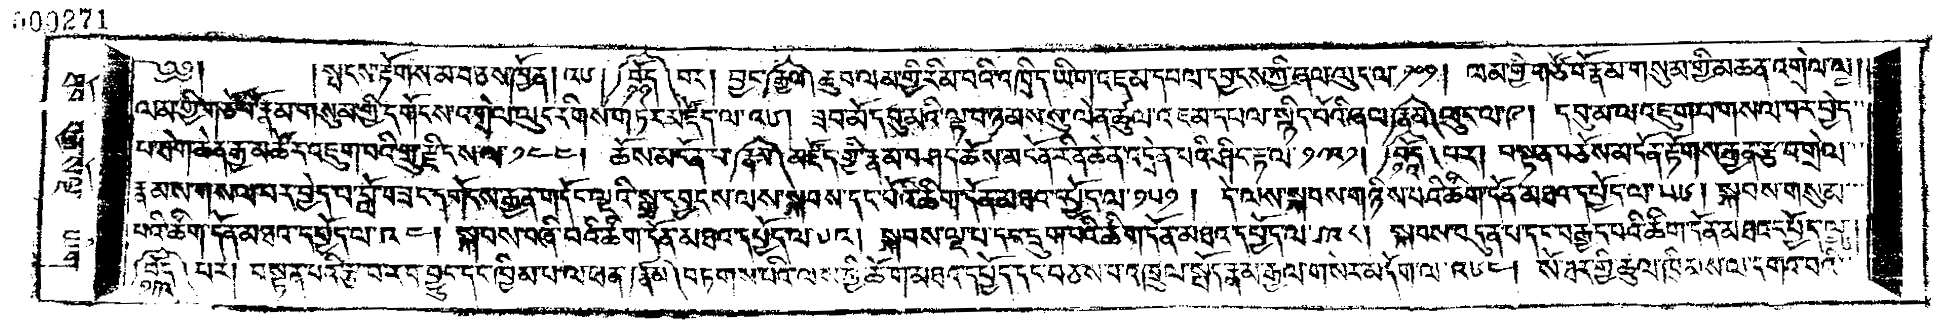༄༅། །སྤངས་རྟོགས་མ་བཅས་ཁྱོན། ༢༦། ༼བོད༡༡༽ པར། བྱང ༼རྒྱལ༽ ཆུབ་ལམ་གྱི་རིམ་པའི་འཁྲིད་ཡིག་འཇམ་དཔལ་དབྱངས་ཀྱི་ཞལ་ལུང་ལ ༡༠༡། ལམ་གྱི་གཙོ་བོ་རྣམ་གསུམ་གྱི་མཆན་འགྲེལ་ལ ༤། །
ལམ་གྱི་གཙོ་བོ་རྣམ་གསུམ་གྱི་དགོངས་འགྲེལ་ལུང་རིགས་གཏེར་མཛོད་ལ ༢༦། ཟབ་མོ་དབུ་མའི་ལྟ་བ་ཉམས་སུ་ལེན་ཚུལ་འཇམ་དཔལ་སྙིང་པོའི་ཞལ ༼རྣམ༽ ལུང་ལ ༩། དབུ་མ་ལ་འཇུག་པ་གསལ་བར་བྱེད་
པ་ཐེག་ཆེན་རྒྱ་མཚོར་འཇུག་པའི་གྲུ་རྫིངས་ལ ༡༤༤། ཆོས་མངོན་པ ༼རྣམ༽ མཛོད་ཀྱི་རྣམ་བཤད་ཆོས་མངོན་རིན་ཆེན་འདྲེན་པའི་ཤིང་རྟ་ལ ༡༣༡། ༼བོད༡༡༽ པར། བསྟན་བཅོས་མངོན་རྟོགས་རྒྱན་རྩ་འགྲེལ་
རྣམས་གསལ་བར་བྱེད་པ་བློ་བཟང་དགོངས་རྒྱན་གདོང་ལྔའི་སྒྲ་དབྱངས་ལས་སྐབས་དང་པོའི་ཚིག་དོན་མཐའ་དཔྱོད་ལ ༡༥༡། དེ་ལས་སྐབས་གཉིས་པའི་ཚིག་དོན་མཐའ་དཔྱོད་ལ ༥༦། སྐབས་གསུམ་པའི་ཚིག་དོན་མཐའ་དཔྱོད་ལ ༢༤། སྐབས་བཞི་པའི་ཚིག་དོན་མཐའ་དཔྱོད་ལ ༦༢། སྐབས་ལྔ་པ་དང་དྲུག་པའི་ཚིག་དོན་མཐའ་དཔྱོད་ལ ༣༨། སྐབས་བདུན་པ་དང་བརྒྱད་པའི་ཚིག་དོན་མཐའ་དཔྱོད་ལ ༤༦།
༼བོད༡༣༽ པར། བསྟན་པའི་རྩ་བ་རབ་བྱུང་དང་ཁྱིམ་པ་ལ་ཕན ༼རྣམ༽ བཏགས་པའི་ལས་ཀྱི་ཆོ་ག་མཐའ་དཔྱོད་དང་བཅས་པ་འཁྲུལ་སྤོད་རྣམ་རྒྱལ་གསེར་མདོག་ལ ༢༦༤། སོ་ཐར་གྱི་ཚུལ་ཁྲིམས་ལ་དགའ་བའི་